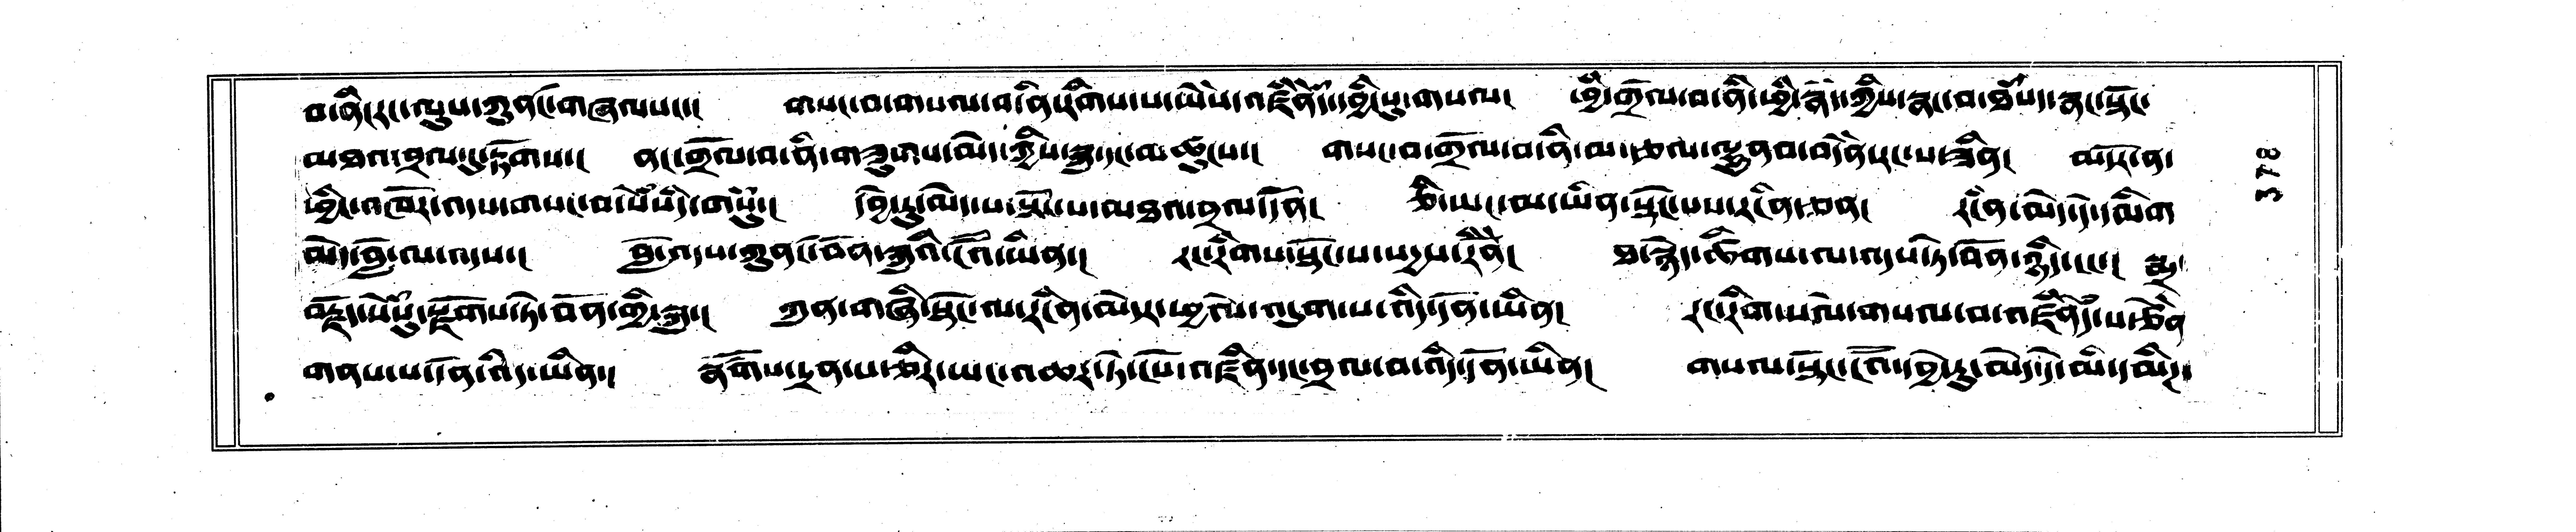བ་ནི། རང་ལུས་ཀུན་གཞིའི་གཞལ་ཡས་ཁང་། གསང་བ་གསལ་བ་ནི། རིག་པའི་ཡེ་ཤེས་འཛིན་མེད་དབྱིངས་སུ་གསལ། ཕྱི་གྲོལ་བས་ནི་ཕྱི་སྣོད་ཀྱིས་སྣང་བ་
ཐམས་ཅད་སྣང་སྟོང་མཐའ་བྲལ་དུ་རྟོགས། ནང་གྲོལ་བས་ནི་གཟུགས་ལ་རང་བཞིན་མེད་པར་ཟག་མེད་ཀྱིས། སྐུ་དང་མཚུངས། གསང་བ་སེམས་ཉིད་གྲོལ་བ་ནི། མ་བརྩལ་ལྷུན་གྲུབ་བདེ་ཆེན་རང་ས་ཟིན། མདོར་ན་
ཕྱི་ནང་གསང་བ་འཁོར་འདས་སེམས་གསུམ། དབྱེ་རུ་མེད་པས་སྟོང་པ་མཐའ་བྲལ་གྱི་དོན། ཅི་ཡང་མ་ཡིན་སྟོང་པའི་རང་བཞིན་ཅན། རང་བཞིན་མེད་དེ་དམིགས་
མེད་བློ་ལས་འདས། བློ་འདས་ཀུན་བཟང་བོན་སྐུའི་ངོའོ་ཡིན། རང་རིག་སྟོང་པ་སངས་རྒྱས་རིན་པོ་ཆེ། ཐ་སྙད་ཚིག་ལས་འདས་ཏེ་བོན་སྐུའི་ངང་། སྨྲ་
བརྗོད་སེམས་སུ་རྫོགས་ཏེ་བོན་གྱིས་སྐུ། ཀུན་གཞི་སྟོང་ལ་རང་བཞིན་མེད་པར་སྟོང་ཕྱ་ལེ་འདུག་པ་འདི་དོན་ཡིན། རང་རིག་གསལ་ལ་འཛིན་པ་མེད་པར་ཙེན་ཙེན་
གནས་པ་འདི་དོན་ཡིན། སྣ་ཚོགས་ཀྱི་དྲན་པ་ཅི་ཡང་འཆར་ཏེ་ངོས་འཛིན་དང་བྲལ་བ་འདི་དོན་ཡིན། གསལ་སྟོང་ངོའོ་དབྱེ་རུ་མེད་དེ་མི་དམིགས་